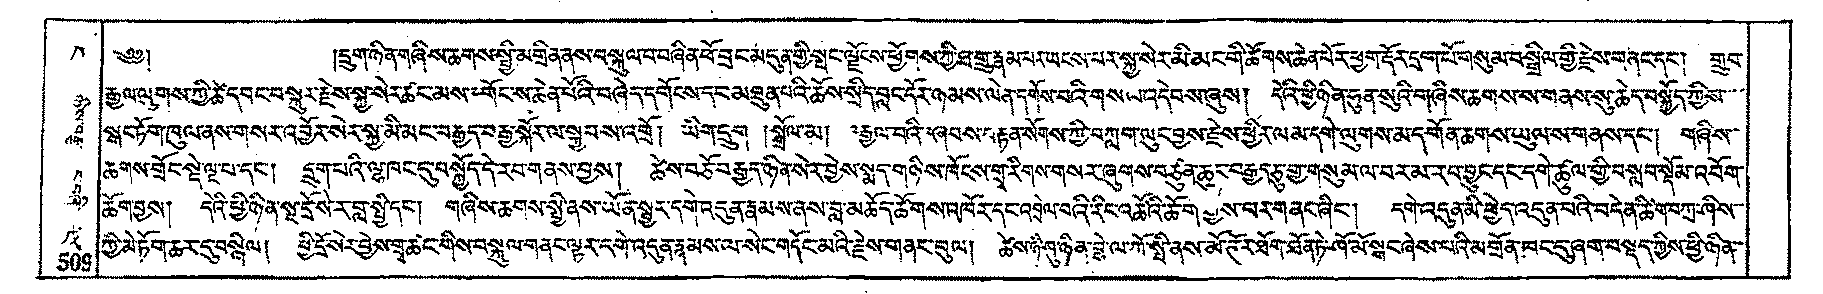༄༅། །དྲུག་ཉིན་གཞིས་ཆགས་སྤྱི་མགྲིན་ནས་བསྐུལ་བ་བཞིན་ཕོ་བྲང་མདུན་གྱི་སྤང་ལྗོངས་ཕྱོགས་ཀྱི་ཐ་གྲུ་རྣམ་པར་ཡངས་པར་སྐྱ་སེར་མི་མང་གི་ཚོགས་ཆེན་པོར་ཕྱག་རྡོར་དྲག་པོ་གསུམ་བསྒྲིལ་གྱི་རྗེས་གནང་དང་། གྲུབ་
རྒྱལ་ལུགས་ཀྱི་ཚེ་དབང་བསྐུར་རྗེས་སྐྱ་སེར་ཚང་མས་༧གོང་ས་ཆེན་པོའི་བཞེད་དགོངས་དང་མཐུན་པའི་ཆོས་སྲིད་བླང་དོར་ཉམས་ལེན་དགོས་པའི་གསལ་འདེབས་ཞུས། དེའི་ཕྱི་ཉིན་ཧུན་སུའི་གཞིས་ཆགས་ས་གནས་སུ་ཆེད་བསྐྱོད་ཀྱིས་
སྒང་ཏོག་ཁུལ་ནས་གསར་འབྱོར་སེར་སྐྱ་མི་མང་བརྒྱད་བརྒྱ་སྐོར་ལ་སྐྱབས་འགྲོ། ཡིག་དྲུག །སྒྲོལ་མ། ༧རྒྱལ་བའི་༧ཞབས་བརྟན་སོགས་ཀྱི་བཀླག་ལུང་བྱས་རྗེས་ཕྱིར་ལམ་དགེ་ལུགས་མ་དགོན་ཆགས་ཡུལ་ས་གནས་དང་། གཞིས་
ཆགས་གྲོང་སྡེ་ལྔ་པ་དང་། དྲུག་པའི་ལྷ་ཁང་དུ་བསྐྱོད་དེ་རབ་གནས་བྱས། ཚེས་བཅོ་བརྒྱད་ཉིན་སེར་བྱེས་སྨད་གཉིས་ཁོངས་གྲྭ་རིགས་གསར་ཞུགས་བཙུན་ཆུང་བརྒྱད་ཅུ་གྱ་གསུམ་ལ་བར་མ་རབ་བྱུང་དང་དགེ་ཚུལ་གྱི་བསླབ་སྡོམ་འབོག་
ཆོག་བྱས། དེའི་ཕྱི་ཉིན་སྔ་དྲོ་སེ་ར་བླ་སྤྱི་དང་། གཞིས་ཆགས་སྤྱི་ནས་ཡོན་སྦྱར་དགེ་འདུན་རྣམས་ནས་བླ་མཆོད་ཚོགས་འཁོར་དང་འབྲེལ་བའི་རིང་འཚོའི་ཆོ་ག་རྒྱས་པར་གནང་ཞིང་། དགེ་འདུན་མི་ཕྱེད་འདུན་པའི་བདེན་ཚིག་བཀྲ་ཤིས་
ཀྱི་མེ་ཏོག་ཆར་དུ་བསྙིལ། ཕྱི་དྲོ་སེར་བྱེས་གྲྭ་ཚང་གིས་བསྐུལ་གནང་ལྟར་དགེ་འདུན་རྣམས་ལ་སེང་གདོང་མའི་རྗེས་གནང་ཕུལ། ཚེས་ཉི་ཤུ་ཉིན་བྷེ་ལ་ཀོ་སྤི་ནས་མོ་ཊོར་ཐོག་ཐོན་ཏེ་ཤོ་མོ་སྒང་ཞེས་པའི་མགྲོན་ཁང་དུ་ཞག་བསྡད་ཀྱིས་ཕྱི་ཉིན་